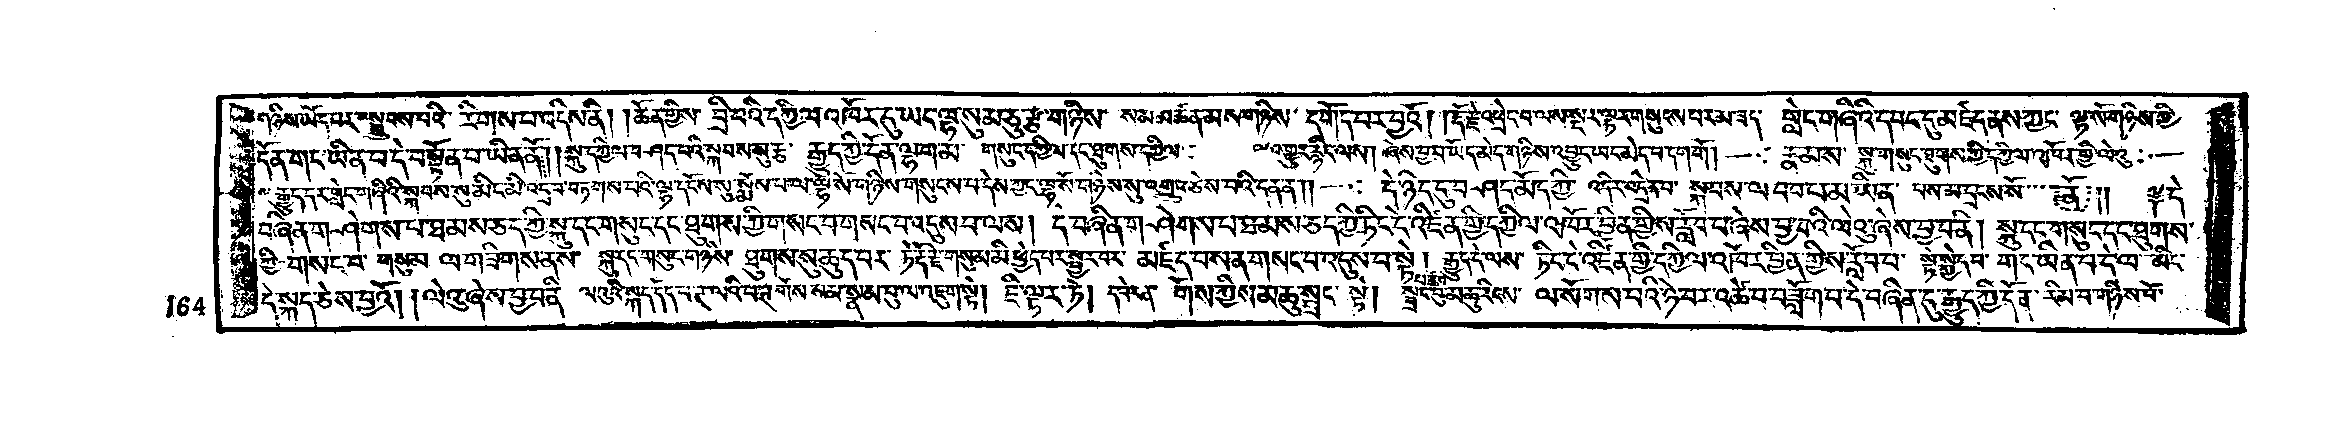གཉིས་ཡོད་པར་བསྒྲུབས་པའི་རིགས་པ་འདིས་ནི། ། ཚོན་གྱིས་བྲི་བའི་དཀྱིལ་འཁོར་དུ་ཡང་ལྷ་སུམ་ཅུ་རྩ་གཉིས་སམ་མཚན་མས་གཉིས་དགོད་པར་བྱའོ། ། རྡོ་རྗེ་འཕྲེང་བ་ལས་སྔར་ལྟར་གསུངས་པར་མ་ཟད་གླེང་གཞིའི་དབང་དུ་མཛད་ནས་ཀྱང་ལྷ་སོ་གཉིས་ཀྱི
དོན་གང་ཡིན་པ་དེ་བསྟན་པ་ཡིན་ནོ། ། སྐུ་དཀྱིལ་བཤད་པའི་སྐབས་སུ་རྩ་རྒྱུད་ཀྱི་དོན་ལྷག་མ་གསུང་དཀྱིལ་དང་ཐུགས་དཀྱིལ་H.་༧འགྱུར་རྙིང་ལས། ཞེས་བྱ་བ་ཡོད་མེད་གཉིས་འབྱུང་ཡང་མེད་པ་དག་གོ། .H རྣམས་སྐུ་གསུང་ཐུགས་ཀྱི་དཀྱིལ་འཁོར་གྱི་ལེའུ་H.
༧རྒྱུད་དང་གླེང་གཞིའི་སྐབས་སུ་མིང་མི་འདྲ་བ་བཏགས་པའི་ལྷ་དངོས་སུ་སྨོས་པ་ལ་ལྷ་སོ་གཉིས་གསུངས་པ་དེས་ཀྱང་ལྷ་སོ་གཉིས་སུ་འགྲུབ་ཅེས་པའི་དོན་ནོ།། .H དེ་ཉིད་དུ་བཤད་མོད་ཀྱི་འདིར་འདྲེན་པ་སྐབས་ལ་བབ་པ་མ་ཡིན་པས་མ་དྲངས་སོ་ནོ།། ༈ དེ་
བཞིན་གཤེགས་པ་ཐམས་ཅད་ཀྱི་སྐུ་དང་གསུང་དང་ཐུགས་ཀྱི་གསང་བ་གསང་བ་འདུས་པ་ལས། དེ་བཞིན་གཤེགས་པ་ཐམས་ཅད་ཀྱི་ཏིང་ངེ་འཛིན་གྱི་དཀྱིལ་འཁོར་བྱིན་གྱིས་རློབ་པ་ཞེས་བྱ་བའི་ལེའུ་ཞེས་བྱ་བ་ནི། སྐུ་དང་གསུང་དང་ཐུགས་
ཀྱི་གསང་བ་གསུམ་ལ་གཟིགས་ནས་སྐུ་དང་གསུང་གཉིས་ཐུགས་སུ་ཆུད་པར་ཏེ་རྡོ་རྗེ་གསུམ་མི་ཕྱེད་པར་སྦྱར་བར་མཛད་པས་ན་གསང་བ་འདུས་པ་སྟེ། རྒྱུད་དེ་ལས་ཏིང་ངེ་འཛིན་གྱི་དཀྱིལ་འཁོར་བྱིན་གྱིས་རློབ་པ་སྟེ་སྐྱེད་པ་གང་ཡིན་པ་དེ་ལ་མིང
དེ་སྐད་ཅེས་བྱའོ། །ལེའུ་ཞེས་བྱ་བ་ནི་ལེའུའི་སྐད་དོད་པ་ཊ་ལའི་པ་ཊ་གོས་སམ་སྣམ་བུ་ལ་འཇུག་སྟེ། ཇི་ལྟར་ཏེ། དཔེར་ན་གོས་ཀྱིས་མཆུ་སྦྲང་སྟེ། པ་ཚབ་སྦྲང་བུ་མཆུ་རིངས་ལ་སོགས་པའི་ཉེ་བར་འཚེ་བ་བཟློག་པ་དེ་བཞིན་དུ་རྒྱུད་ཀྱི་དོན་རིམ་པ་གཉིས་པོ